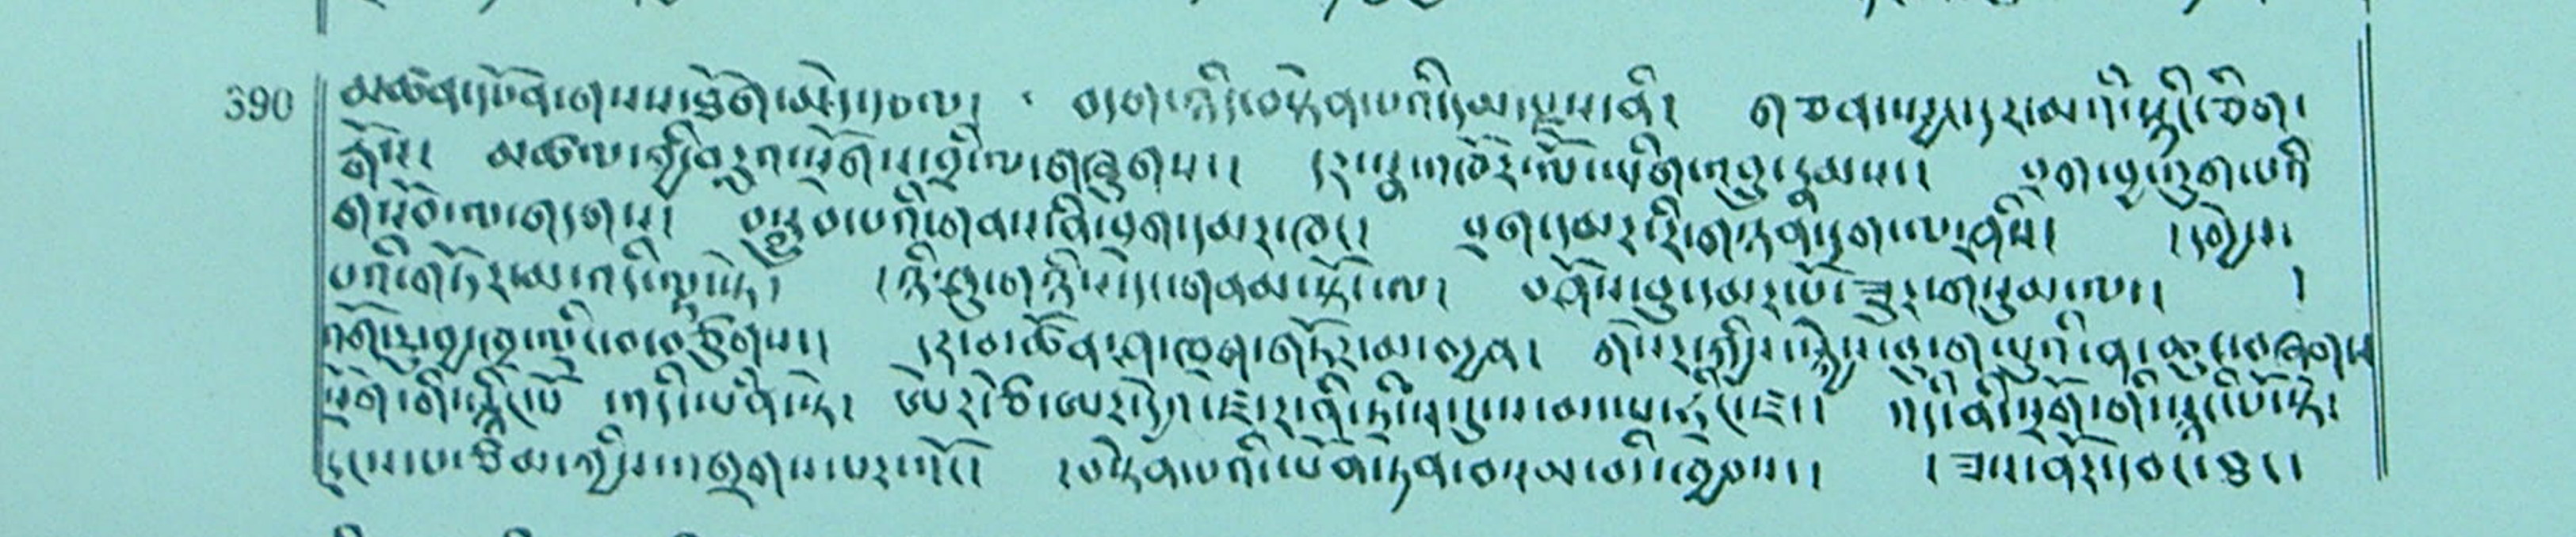མཚན་དཔོན་གསས་ཐོགས་མེད་རྩལ། བདག་ཉིད་བསྟེན་པའི་དམ་རྫས་ནི། གཅན་སྤྱང་དར་མའི་སྙིང་ཅིག་
རྒོས། མཚལ་གྱི་བླ་སྲོག་བྲི་ལ་བཞུགས། དར་སྣ་འཁོར་ལོ་ཡིག་འབྲུ་རྣམས། བྲག་བྱ་འུག་པའི་
གསོབ་ལ་གདབས། སྒྲུབ་པའི་གནས་ནི་བྲག་དམར་ཁང་། བྲག་དམར་རི་གཉན་དག་ལ་ཤིས། དགྱེས་
པའི་གཏོར་མ་འདི་ལྟ་སྟེ། ཉི་ཤུ་གཉིས་དང་གནམ་སྟོང་ལ། བཤོས་བུ་དམར་པོ་ཟུར་གསུམ་ལ། 
མགོ་རུ་བྱ་ཁྲ་ལྡིང་བ་བཙུགས། དར་མཚོན་ཤ་ཁྲག་གཏོར་མ་བརྒྱན། གསེར་གྱི་སྐྱེས་བུ་གཡུའི་ན་ཆུང་བཞགས། 
སྲོག་གི་སྙིང་པོ་འདི་ཡིན་ཏེ། ཨེར་ཙེ་ཨར་རྒྱེའ་ཛ་ར་ནི་ཏྲི་ས་དུ་ས་མ་ཡ་ཧྲིང་ཛ། འདི་ནི་སྲོག་གི་སྙིང་པོ་སྟེ། 
དྲངས་པ་ཙམ་གྱིས་འགུག་པར་འོང་། བརྟེན་པའི་ཡོན་ཏན་བསམ་མི་ཁྱབ། ཟས་ནོར་དབང་ཐང་